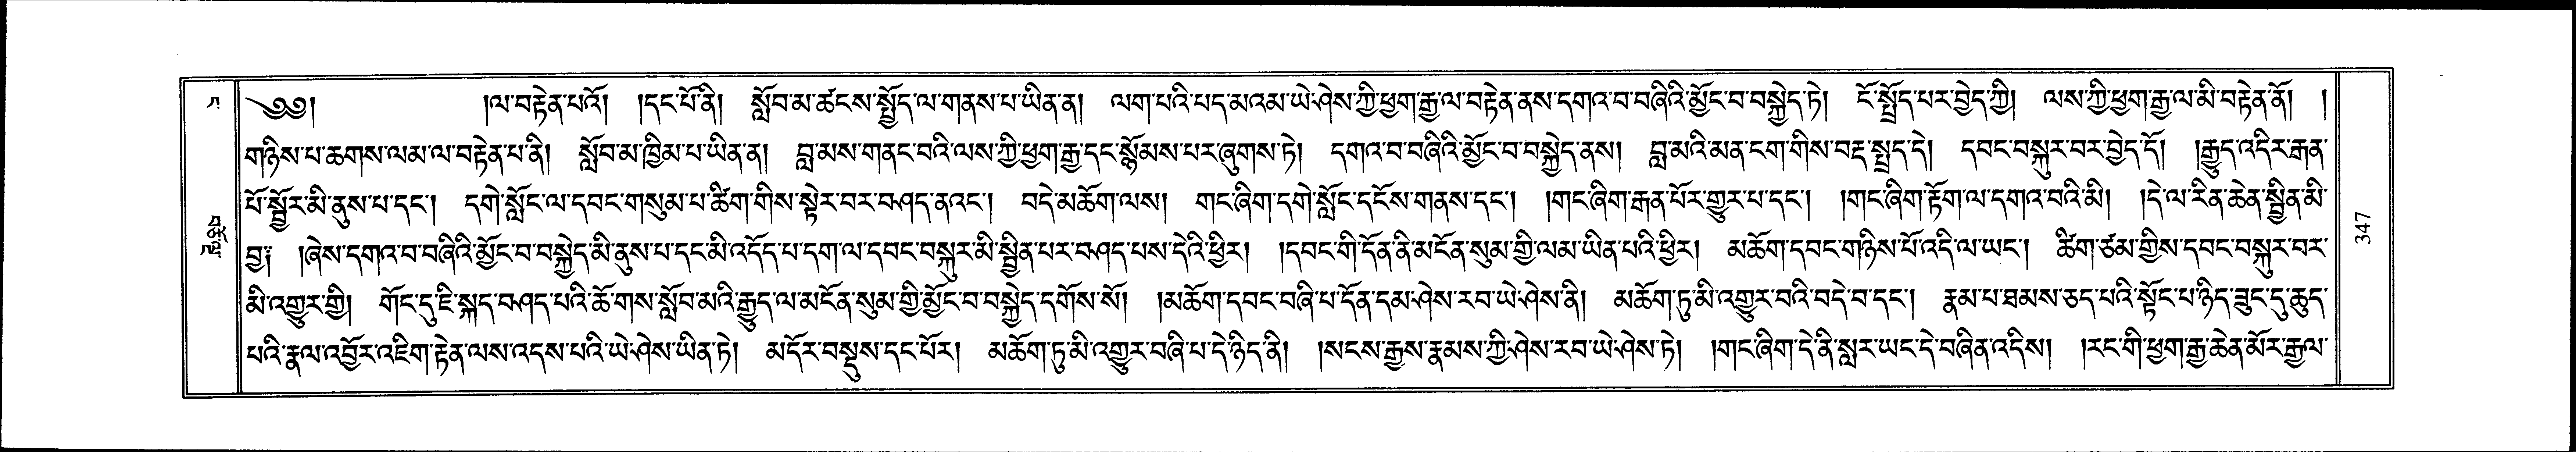༄༅། །ལ་བརྟེན་པའོ། །དང་པོ་ནི། སློབ་མ་ཚངས་སྤྱོད་ལ་གནས་པ་ཡིན་ན། ལག་པའི་པད་མའམ་ཡེ་ཤེས་ཀྱི་ཕྱག་རྒྱ་ལ་བརྟེན་ནས་དགའ་བ་བཞིའི་མྱོང་བ་བསྐྱེད་ཏེ། ངོ་སྤྲོད་པར་བྱེད་ཀྱི། ལས་ཀྱི་ཕྱག་རྒྱ་ལ་མི་བརྟེན་ནོ།།
གཉིས་པ་ཆགས་ལམ་ལ་བརྟེན་པ་ནི། སློབ་མ་ཁྱིམ་པ་ཡིན་ན། བླ་མས་གང་བའི་ལས་ཀྱི་ཕྱག་རྒྱ་དང་སྙོམས་པར་ཞུགས་ཏེ། དགའ་བ་བཞིའི་མྱོང་བ་བསྐྱེད་ནས། བླ་མའི་མན་ངག་གིས་བརྡ་སྤྲད་དེ། དབང་བསྐུར་བར་བྱེད་དོ། །རྒྱུད་འདིར་རྒན་
པོ་སྦྱོར་མི་ནུས་པ་དང་། དགེ་སློང་ལ་དབང་གསུམ་པ་ཚིག་གིས་སྟེར་བར་བཤད་ནའང་། བདེ་མཆོག་ལས། གང་ཞིག་དགེ་སློང་དངོས་གནས་དང་། །གང་ཞིག་རྒན་པོར་གྱུར་པ་དང་། །གང་ཞིག་རྟོག་ལ་དགའ་བའི་མི། །དེ་ལ་རིན་ཆེན་སྦྱིན་མི་
བྱ། །ཞེས་དགའ་བ་བཞིའི་མྱོང་བ་བསྐྱེད་མི་ནུས་འདོད་པ་དག་ལ་དབང་བསྐུར་མི་སྦྱིན་པར་བཤད་པས་དེའི་ཕྱིར། དབང་གི་དོན་ནི་མངོན་སུམ་གྱི་ལམ་ཡིན་པའི་ཕྱིར། མཆོག་དབང་གཉིས་པོ་འདི་ལ་ཡང་། ཚིག་ཙམ་གྱིས་དབང་བསྐུར་བར་
མི་འགྱུར་གྱི། གོང་དུ་ཇི་སྐད་བཤད་པའི་ཆོ་གས་སློབ་མའི་རྒྱུད་ལ་མངོན་སུམ་གྱི་མྱོང་བ་བསྐྱེད་དགོས་སོ། །མཆོག་དབང་བཞི་པ་དོན་དམ་ཤེས་རབ་ཡེ་ཤེས་ནི། མཆོག་ཏུ་མི་འགྱུར་བའི་བདེ་བ་དང་། རྣམ་པ་ཐམས་ཅད་པའི་སྟོང་པ་ཉིད་དུ་ཟུང་དུ་ཆུད་
པའི་རྣལ་འབྱོར་འཇིག་རྟེན་ལས་འདས་པའི་ཡེ་ཤེས་ཡིན་ཏེ། མདོར་བསྡུས་དང་པོར། མཆོག་ཏུ་མི་འགྱུར་བཞི་པ་དེ་ཉིད་ནི། སངས་རྒྱས་རྣམས་ཀྱི་ཤེས་རབ་ཡེ་ཤེས་ཏེ། །གང་ཞིག་དེ་ནི་སླར་ཡང་དེ་བཞིན་འདིས། །རང་གི་ཕྱག་རྒྱ་ཆེན་མོར་རྒྱལ་